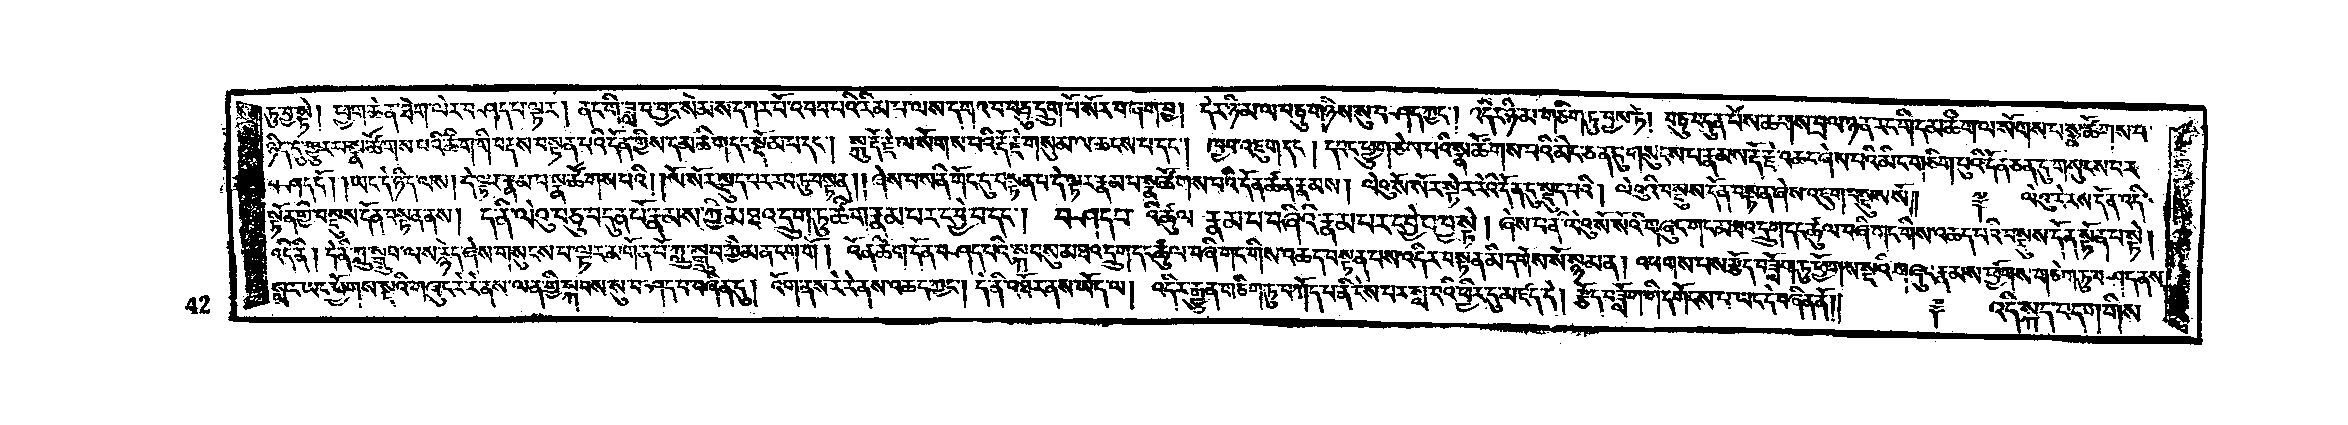ཏུ་བྱ་སྟེ། ཕྱག་ཆེན་ཐིག་ལེར་བཤད་པ་ལྟར། ནང་གི་ཟླ་བ་བྱང་སེམས་དཀར་པོ་འབབ་པའི་རིམ་པ་ལས་དགའ་བ་བཅུ་དྲུག་པོ་སོར་བཞག་བྱ། དེར་ཉི་མ་ལ་བཅུ་གཉིས་སུ་བཤད་ཀྱང་། འདིར་ཉི་མ་གཅིག་ཏུ་བྱས་ཏེ། བཅུ་བདུན་པས་ཆགས་བྲལ་ཉན་རང་གི་དམ་ཚིག་ལ་སོགས་པ་སྣ་ཚོགས་པ་
ཉིད་དུ་གྱུར་པ་སྣ་ཚོགས་པའི་ཚིག་གི་བརྡས་བསྟན་པའི་དོན་གྱིས་དམ་ཚིག་དང་སྡོམ་པ་དང་། སྐུ་རྡོ་རྗེ་ལ་སོགས་པའི་རྡོ་རྗེ་གསུམ་ལ་ཆངས་པ་དང་། ཁྱབ་འཇུག་དང་། དབང་ཕྱུག་ཅེས་པའི་སྣ་ཚོགས་པའི་མིང་ཅན་དུ་གསུངས་པ་རྣམས་རྡོ་རྗེ་འཆང་ཞེས་པའི་མིང་གཅིག་པུའི་དོན་ཅན་དུ་གསུངས་པར་
བཤད་དོ། །ཡང་དེ་ཉིད་ལས། དེ་ལྟར་རྣམ་པ་སྣ་ཚོགས་པའི། །སོ་སོར་སྡུད་པར་རབ་ཏུ་བསྟན། །ཞེས་པས་ནི་གོང་དུ་བསྟན་པ་དེ་ལྟར་རྣམ་པ་སྣ་ཚོགས་པའི་དོན་ཚན་རྣམས། ལེའུ་སོ་སོར་སྟེ་རེ་རེའི་དོན་དུ་སྡུད་པའི། ལེའུའི་བསྡུས་དོན་བསྟན་ཞེས་འཇུག་བསྡུས་སོ།། ༈ ལེའུ་རེ་རེས་དོན་འདི་
སྟོན་གྱི་བསྡུས་དོན་བསྟན་ནས། དེ་ནི་ལེའུ་བཅུ་བདུན་པོ་རྣམས་ཀྱི་མཐའ་དྲུག་ཏུ་ཚིག་རྣམ་པར་དབྱེ་བ་དང་། བཤད་པའི་ཚུལ་རྣམ་པ་བཞིའི་རྣམ་པར་དབྱེ་བ་བྱ་སྟེ། ཞེས་པ་ནི་ལེའུ་སོ་སོའི་གཞུང་གང་མཐའ་དྲུག་དང་ཚུལ་བཞི་གང་གིས་འཆད་པའི་བསྡུས་དོན་སྟོན་པ་སྟེ།
འདི་ནི། དེ་ནི་ཀླུ་སྒྲུབ་ལས་རྙེད་ཞེས་གསུངས་པ་ལྟར་མགོན་པོ་ཀླུ་སྒྲུབ་ཀྱི་མན་ངག་གོ །འོན་ཚིག་དོན་བཤད་པའི་སྐབས་སུ་མཐའ་དྲུག་དང་ཚུལ་བཞི་གང་གིས་འཆད་བསྟན་པས་འདིར་བསྟན་མི་དགོས་སོ་སྙམ་ན། འཕགས་པས་རྩོད་བཟློག་ཏུ་ཕྱོགས་སྔའི་གཞུང་རྣམས་ཕྱོགས་གཅིག་ཏུ་བཤད་ནས་
སླར་ཡང་ཕྱོགས་སྔའི་གཞུང་རེ་རེ་ནས་ལན་གྱི་སྐབས་སུ་བཤད་པ་བཞིན་དུ། འོག་ནས་རེ་རེ་ནས་འཆད་ཀྱང་། དེ་ནི་འཐོར་ནས་ཡོད་ལ། འདིར་རྒྱུན་གཅིག་ཏུ་བཀོད་པ་ནི་ངེས་པར་སླ་བའི་ཕྱིར་དུ་མཛད་དེ། རྩོད་བཟློག་གི་དགོངས་པ་ཡང་དེ་བཞིན་ནོ།། ༈ འདི་སྐད་བདག་གིས་